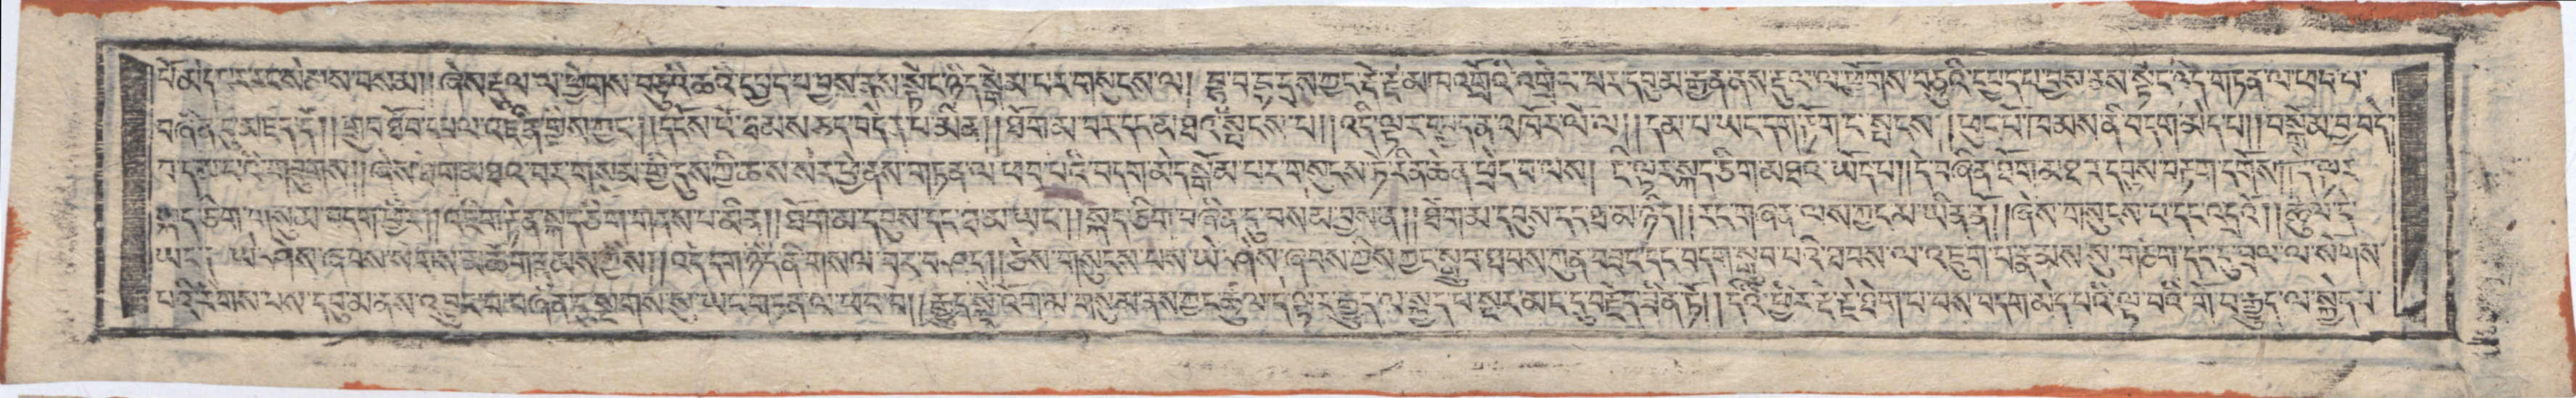པོ་མེད་པར་རང་སེམས་བསམ། །ཞེས་རྡུལ་ལ་ཕྱོགས་བཅུའི་ཆའི་དཔྱད་པ་བྱས་ནས་སྟོང་ཉིད་སྒོམ་པར་གསུངས་ལ། བྷཱ་བ་བྷ་དྲས་ཀྱང་རྡོ་རྗེ་མཁའ་འགྲོའི་འགྲེལ་པར་དབུ་མ་རྒྱན་ནས་རྡུལ་ལ་ཕྱོགས་བཅུའི་དཔྱད་པ་བྱས་ནས་སྟོང་ཉིད་གཏན་ལ་ཕབ་བ་
བཞིན་དུ་མཛད་དོ། །གྲུབ་ཐོབ་དཔལ་འཛིན་གྱིས་ཀྱང་། །དངོས་པོ་ཐམས་ཅད་བདེན་པ་མིན། །ཐོག་མ་བར་དང་མཐའ་སྤངས་པ། །འདི་ལྟར་དཔྱད་ན་འཁོར་ལོ་ལ། །དམ་པ་ཡང་དག་རྟོག་པ་སྤངས། །ཕུང་པོ་ཁམས་ནི་བདག་མེད་པ། །བསྒོམ་བྱ་བདེ་
བ་དམ་པའི་གཟུགས། །ཞེས་ཐོག་མཐའ་བར་གསུམ་གྱི་དུས་ཀྱི་ཆ་ས་སེར་ཕྱེ་ནས་གཏན་ལ་ཕབ་པའི་བདག་མེད་སྒོམ་པར་གསུངས་ཏེ་རིན་ཆེན་ཕྲེང་བ་ལས། ཇི་ལྟར་སྐད་ཅིག་མཐའ་ཡོད་པ། །དེ་བཞིན་ཐོག་མཐའ་དབུས་བརྟག་དགོས། །དེ་ལྟར་
སྐད་ཅིག་གསུམ་བདག་ཕྱིར། །འཇིག་རྟེན་སྐད་ཅིག་གནས་པ་མིན། །ཐོག་མ་དབུས་དང་ཐ་མ་ཡང་། །སྐད་ཅིག་བཞིན་དུ་བསམ་བྱས་ན། །ཐོག་མ་དབུས་དང་ཐ་མ་ཉིད། །རང་གཞན་ལས་ཀྱང་མ་ཡིན་ནོ། །ཞེས་གསུངས་པ་དང་འདྲའོ། །ཚུལ་དེ་
ཡང༑ ཡེ་ཤེས་ཞབས་སོགས་མཆོག་རྣམས་ཀྱིས། །འདི་དག་ཉིད་ནི་གསལ་བར་བཤད། །ཅེས་གསུངས་པས་ཡེ་ཤེས་ཞབས་ཀྱིས་ཀྱང་སྒྲུབ་ཐབས་ཀུན་བཟང་དང་བདག་སྒྲུབ་པའི་ཐབས་ལ་འཇུག་པ་རྣམས་སུ་གཅིག་དང་དུ་བྲལ་ལ་སོགས་
པའི་རིགས་པས་དབུ་མ་ནས་འབྱུང་བ་བཞིན་དུ་སྔགས་སུ་ཡང་གཏན་ལ་ཕབ་བོ། །རྒྱུད་སྡེ་འོག་མ་གསུམ་ནས་ཀྱང་ཚུལ་དེ་ལྟར་རྒྱུད་ལ་སྐྱད་པ་སྔར་མང་དུ་བརྗོད་ཟིན་ཏོ། །དེའི་ཕྱིར་རྡོ་རྗེ་ཐེག་པ་བས་བདག་མེད་པའི་ལྟ་བའི་གོ་བ་རྒྱུད་ལ་སྐྱེད་པ་